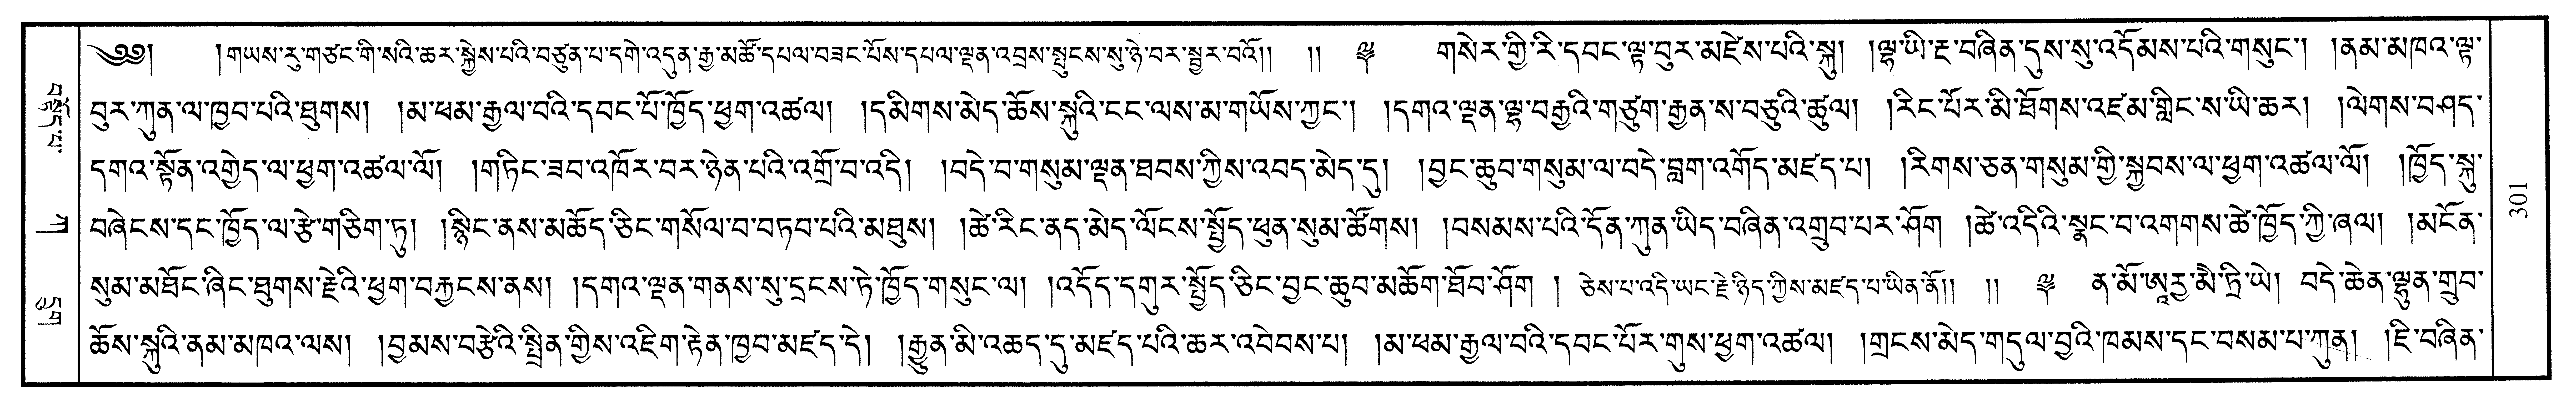༄༅། །གཡས་རུ་གཙང་གི་སའི་ཆར་སྐྱེས་པའི་བཙུན་པ་དགེ་འདུན་རྒྱ་མཚོ་དཔལ་བཟང་པོས་དཔལ་ལྡན་འབྲས་སྤུངས་སུ་ཉེ་བར་སྦྱར་བའོ།། །། ༈ གསེར་གྱི་རི་དབང་ལྟ་བུར་མཛེས་པའི་སྐུ། །ལྷ་ཡི་རྔ་བཞིན་དུས་སུ་འདོམས་པའི་གསུང་། །ནམ་མཁའ་ལྟ་
བུར་ཀུན་ལ་ཁྱབ་པའི་ཐུགས། །མ་ཕམ་རྒྱལ་བའི་དབང་པོ་ཁྱོད་ཕྱག་འཚལ། །དམིགས་མེད་ཆོས་སྐུའི་ངང་ལས་མ་གཡོས་ཀྱང་། །དགའ་ལྡན་ལྷ་བརྒྱའི་གཙུག་རྒྱན་ས་བཅུའི་ཚུལ། །རིང་པོར་མི་ཐོགས་འཛམ་གླིང་ས་ཡི་ཆར། །ལེགས་བཤད་
དགའ་སྟོན་འགྱེད་ལ་ཕྱག་འཚལ་ལོ། །གཏིང་ཟབ་འཁོར་བར་ཉེན་པའི་འགྲོ་བ་འདི། །བདེ་བ་གསུམ་ལྡན་ཐབས་ཀྱིས་འབད་མེད་དུ། །བྱང་ཆུབ་གསུམ་ལ་བདེ་བླག་འགོད་མཛད་པ། །རིགས་ཅན་གསུམ་གྱི་སྐྱབས་ལ་ཕྱག་འཚལ་ལོ། །ཁྱོད་སྐུ་
བཞེངས་དང་ཁྱོད་ལ་རྩེ་གཅིག་ཏུ། །སྙིང་ནས་མཆོད་ཅིང་གསོལ་བ་བཏབ་པའི་མཐུས། །ཚེ་རིང་ནད་མེད་ལོངས་སྤྱོད་ཕུན་སུམ་ཚོགས། །བསམས་པའི་དོན་ཀུན་ཡིད་བཞིན་འགྲུབ་པར་ཤོག །ཚེ་འདིའི་སྣང་བ་འགགས་ཚེ་ཁྱོད་ཀྱི་ཞལ། །མངོན་
སུམ་མཐོང་ཞིང་ཐུགས་རྗེའི་ཕྱག་བརྐྱངས་ནས། །དགའ་ལྡན་གནས་སུ་དྲངས་ཏེ་ཁྱོད་གསུང་ལ། །འདོད་དགུར་སྤྱོད་ཅིང་བྱང་ཆུབ་མཆོག་ཐོབ་ཤོག། ཅེས་པ་འདི་ཡང་རྗེ་ཉིད་ཀྱིས་མཛད་པ་ཡིན་ནོ།། །། ༈ ན་མོ་ཨཱརྱ་མཻ་ཏྲི་ཡེ། བདེ་ཆེན་ལྷུན་གྲུབ་
ཆོས་སྐུའི་ནམ་མཁའ་ལས། །བྱམས་བརྩེའི་སྤྲིན་གྱིས་འཇིག་རྟེན་ཁྱབ་མཛད་དེ། །རྒྱུན་མི་འཆད་དུ་མཛད་པའི་ཆར་འབེབས་པ། །མ་ཕམ་རྒྱལ་བའི་དབང་པོར་གུས་ཕྱག་འཚལ། །གྲངས་མེད་གདུལ་བྱའི་ཁམས་དང་བསམ་པ་ཀུན། །ཇི་བཞིན་